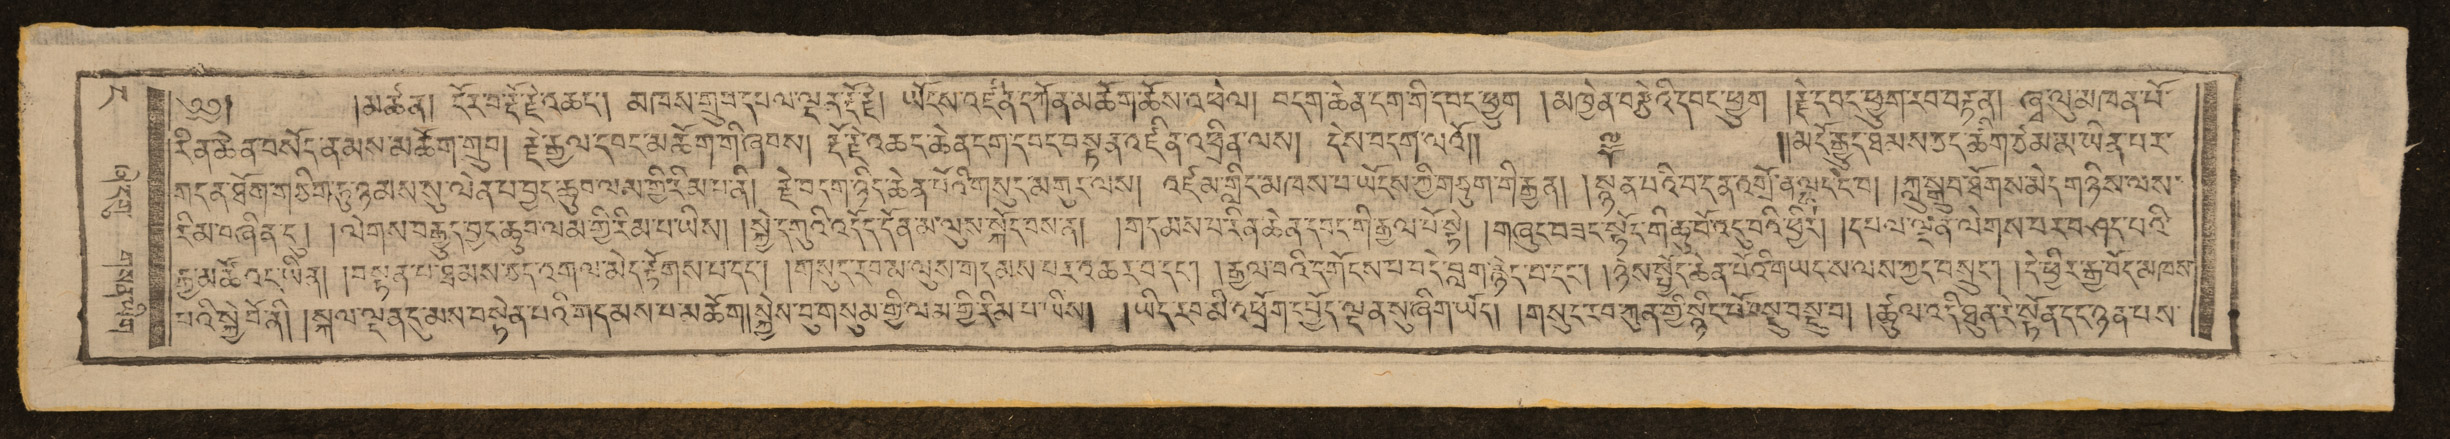༄༅། །མཚན། དོར་བ་རྡོ་རྗེ་འཆང་། མཁས་གྲུབ་དཔལ་ལྡན་རྡོ་རྗེ། ཡོངས་འཛིན་དཀོན་མཆོག་ཆོས་འཕལ། བདག་ཆེན་ངག་གི་དབང་ཕྱུག །མཁྱེན་བརྩེའི་དབང་ཕྱུག། །རྗེ་དབང་ཕྱུག་རབ་བརྟན། ཞྭ་ལུ་མཁན་པོ་
རིན་ཆེན་བསོད་ནམས་མཆོག་གྲུབ། རྗེ་རྒྱལ་དབང་མཆོག་གི་ཞབས། རྡོ་རྗེ་འཆང་ཆེན་ངག་དབང་བསྟན་འཛིན་འཕྲིན་ལས། དེས་བདག་ལའོ།། ༈ །།མདོ་རྒྱུད་ཐམས་ཅད་ཚིག་ཙམ་མ་ཡིན་པར་
གདན་ཐོག་གཅིག་ཏུ་ཉམས་སུ་ལེན་པ་བྱང་ཆུབ་ལམ་གྱི་རིམ་པ་ནི། རྗེ་བདག་ཉིད་ཆེན་པོའི་གསུང་མགུར་ལས། འཛམ་གླིང་མཁས་པ་ཡོང་ཀྱི་གཙུག་གི་རྒྱན། །སྙན་པའི་བདན་འགྲོ་ན་ལྷང་ང་བ། །ཀླུ་སྒྲུབ་ཐོགས་མེད་གཉིས་ལས་
རིམ་བཞིན་དུ། །ལེགས་བརྒྱུད་བྱང་ཆུབ་ལམ་གྱི་རིམ་པ་ཡིས། །སྐྱེ་དགུའི་འདོད་དོན་མ་ལུས་སྐོད་བས་ན། །གདམས་པ་རིན་ཆེན་དབང་གི་རྒྱལ་པོ་སྟེ། །གཞུང་བཟང་སྟོང་གི་ཆུ་བོ་འདུ་བའི་ཕྱིར། །དཔལ་ལྡན་ལེགས་པར་བཤད་པའི་
རྒྱ་མཚོའང་ཡིན། །བསྟན་པ་ཐམས་ཅད་འགལ་མེད་རྟོགས་པ་དང་། །གསུང་རབ་མ་ལུས་གདམས་པར་འཆར་བ་དང་། །རྒྱལ་བའི་དགོངས་པ་བདེ་བླག་རྙེད་པ་དང་། །ཉེས་སྤྱོད་ཆེན་པོའི་གཡང་ས་ལས་ཀྱང་བསྲུང་། །དེ་ཕྱིར་རྒྱ་བོད་མཁས་
པའི་སྐྱེ་བོ་ནི། །སྐལ་ལྡན་དུ་མས་བསྟེན་པའི་གདམས་པ་མཆོག། སྐྱེས་བུ་གསུམ་གྱི་ལམ་གྱི་རིམ་པ་ཡིས། །ཡིད་རབ་མི་འཕྲོག་དཔྱོད་ལྡན་སུ་ཞིག་ཡོད། །གསུང་རབ་ཀུན་གྱི་སྙིང་པོ་བསྡུ་བསྡུ་བ། །ཚུལ་འདི་ཐུན་རེ་སྟོན་དང་ཉན་པས་